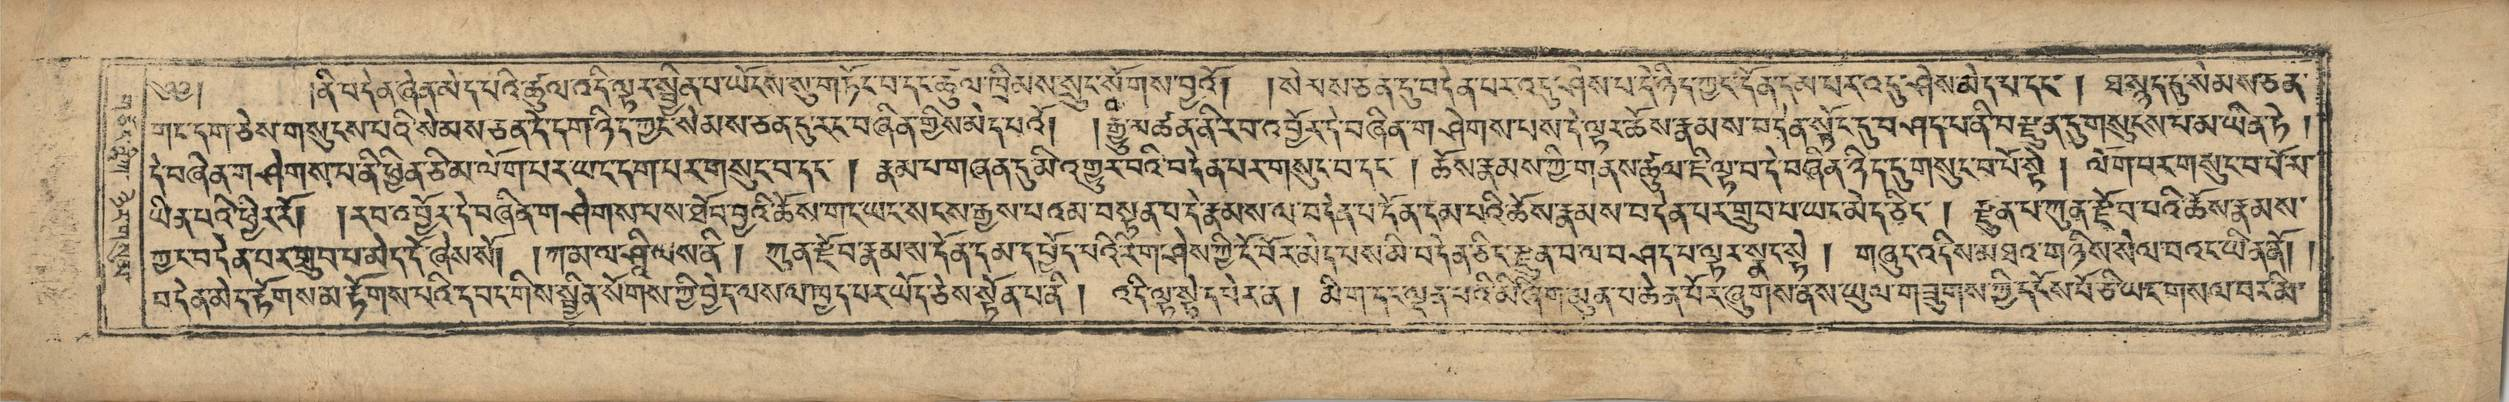༄༅། །ནི་བདེན་ཞེན་མེད་པའི་ཚུལ་འདི་ལྟར་སྦྱིན་པ་ཡོངས་སུ་གཏོང་བ་དང་ཚུལ་ཁྲིམས་སྲུང་སོགས་བྱའོ། །སེམས་ཅན་དུ་བདེན་པར་འདུ་ཤེས་པ་དེ་ཉིད་ཀྱང་དོན་དམ་པར་འདུ་ཤེས་མེད་པ་དང་། ཐ་སྙད་དུ་སེམས་ཅན་
གང་དག་ཅེས་གསུངས་པའི་སེམས་ཅན་དེ་དག་ཉིད་ཀྱང་སེམས་ཅན་དུ་རང་བཞིན་གྱིས་མེད་པའོ། །རྒྱུ་མཚན་ནི་རབ་འབྱོར་དེ་བཞིན་གཤེགས་པས་དེ་ལྟར་ཆོས་རྣམས་བདེན་སྟོང་དུ་བཤད་པ་ནི་བརྫུན་དུ་གསུངས་པ་མ་ཡིན་ཏེ།
དེ་བཞིན་གཤེགས་པ་ནི་ཕྱིན་ཅི་མ་ལོག་པར་ཡང་དག་པར་གསུང་པ་དང་། རྣམ་པ་གཞན་དུ་མི་འགྱུར་བའི་བདེན་པར་གསུང་པ་དང་། ཆོས་རྣམས་ཀྱི་གནས་ཚུལ་ཇི་ལྟ་བ་དེ་བཞིན་ཉིད་དུ་གསུང་བ་པོ་སྟེ། ལོག་པར་གསུང་བ་པོ་མ་
ཡིན་པའི་ཕྱིར་རོ། །རབ་འབྱོར་དེ་བཞིན་གཤེགས་པས་ཐོབ་བྱའི་ཆོས་གང་ཡང་སངས་རྒྱས་པའམ་བསྟན་པ་དེ་རྣམས་ལ་བདེན་པ་དོན་དམ་པའི་ཆོས་རྣམས་བདེན་པར་གྲུབ་པ་ཡང་མེད་ཅིང་། རྫུན་པ་ཀུན་རྫོབ་པའི་ཆོས་རྣམས་
ཀྱང་བདེན་པར་གྲུབ་པ་མེད་དོ་ཞེས་སོ། །ཀ་མ་ལ་ཤཱི་ལས་ནི། ཀུན་རྫོབ་རྣམས་དོན་དམ་དཔྱོད་པའི་རིག་ཤེས་ཀྱི་ངོ་བོར་མེད་པས་མི་བདེན་ཅིང་རྫུན་པ་ལ་བཤད་པ་ལྟར་སྣང་སྟེ། གཞུང་འདིས་མཐའ་གཉིས་སེལ་བའང་ཡིན་ནོ། །
བདེན་མེད་རྟོགས་མ་རྟོགས་པའི་དབང་གིས་སྦྱིན་སོགས་ཀྱི་བྱེད་ལས་ལ་ཁྱད་པར་ཡོད་ཅེས་སྟོན་པ་ནི། འདི་ལྟ་སྟེ་དཔེར་ན། མིག་དང་ལྡན་པའི་མི་ཞིག་མུན་པ་ཆེན་པོར་ཞུགས་ནས་ཡུལ་གཟུགས་ཀྱི་དངོས་པོ་ཅི་ཡང་གསལ་བར་མི་